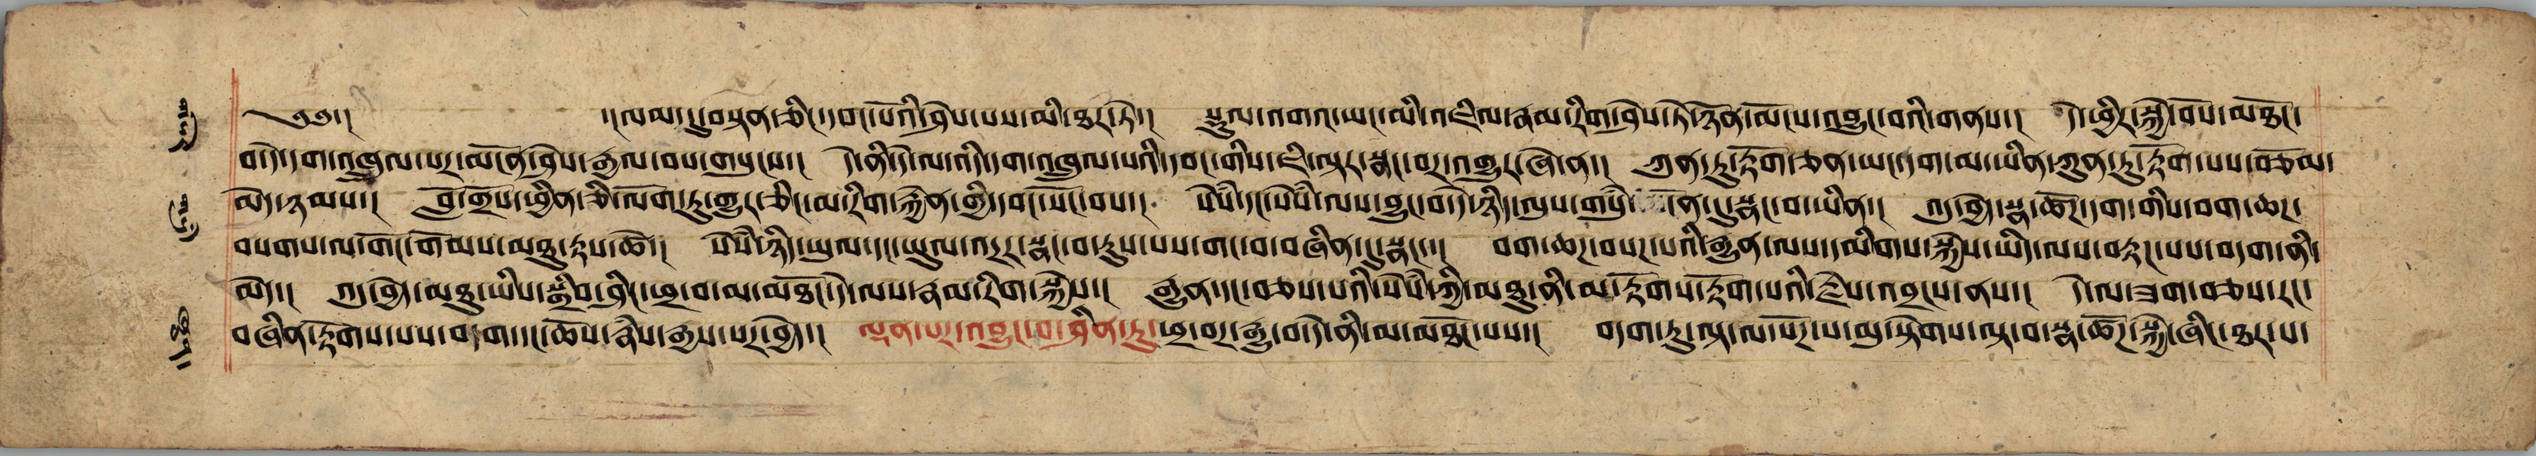༄༅་། ་།ལམ་དུ་བསྟན་ཅིང་དབང་པོའི་ཤེས་པས་མི་ཐར་ཏེ་། སྡུག་འགའ་ཡང་མི་འཇིལ་རྣམ་རིག་ཤེས་ཏེ་ཉོན་མོངས་འབྱུང་བའི་གནས་། དེ་ཕྱིར་སྐྱེ་བོས་མཐོང་
བ་དེ་དག་འཁྲུལ་པར་མངོན་ཤེས་རྒྱལ་བས་གསུངས་། དེ་ནི་དེ་ལ་འདི་དག་འཁྲུལ་པའི་དབང་གིས་ཇི་ལྟར་སྣང་བར་འགྱུར་ཞེ་ན་། ཀུན་ཏུ་རྟོག་ཅན་ཡང་དག་མ་ཡིན་ཀུན་ཏུ་རྟོག་པས་བཅོམ་
མེད་ཉམས་། བློ་གྲོས་ཕྱིན་ཅི་ལོག་ཏུ་གྱུར་ཅིང་མ་རིག་རྐྱེན་གྱི་དབང་སོང་བས་། སེཾས་དང་སེཾས་ལས་བྱུང་བ་དེ་ཉིད་ལུས་གསུཾ་མངོན་དུ་སྣང་བ་ཡིན་། འདུ་བྱེད་སྣ་ཚོཌ་དག་གིས་བག་ཆཌ་
བསགས་ལ་གོང་གོམས་མཐུ་རྟས་ཚེ་། སེཾས་ཉིད་ཡུལ་དང་ཡུལ་འདྲར་སྣང་བ་རུས་པས་གང་བ་བཞིན་དུ་སྣང་་། བག་ཆཌ་བསཌ་པའི་རྒྱུན་ལས་དམིགས་སྐྱེས་ཡིད་ལས་བརྟཌ་པས་བདག་ནི་
མེད་། འདུ་བྱེད་མཐུ་ཡིས་སྒྲིབ་ཤིང་ཕྲ་བ་མ་མཐོང་དེ་ལས་རྣམ་རིག་སྐྱེས་། རྒྱུན་དང་བཅས་པའི་སེཾས་ཀྱི་མཐུ་ནི་མ་རྟོགས་རྟོག་པའི་རྗེས་འབྲངས་ནས་། དེ་ལ་ཟག་བཅས་རང་
བཞིན་རྟོགས་པས་བདག་དང་ཆོས་རྣཾས་རྒྱས་པར་བྱེད་། ལྡན་པར་འབྱུང་བ་ཤིན་ཏུ་ཕྲ་བར་རྒྱུ་བ་དེ་ནི་མ་མཐོང་པས་། བདག་ཏུ་ལྟ་ལ་སོཌ་པ་སྟེགས་ལྟ་བ་སྣ་ཚོཌ་སྐྱེ་ཞིང་ཐར་པ་